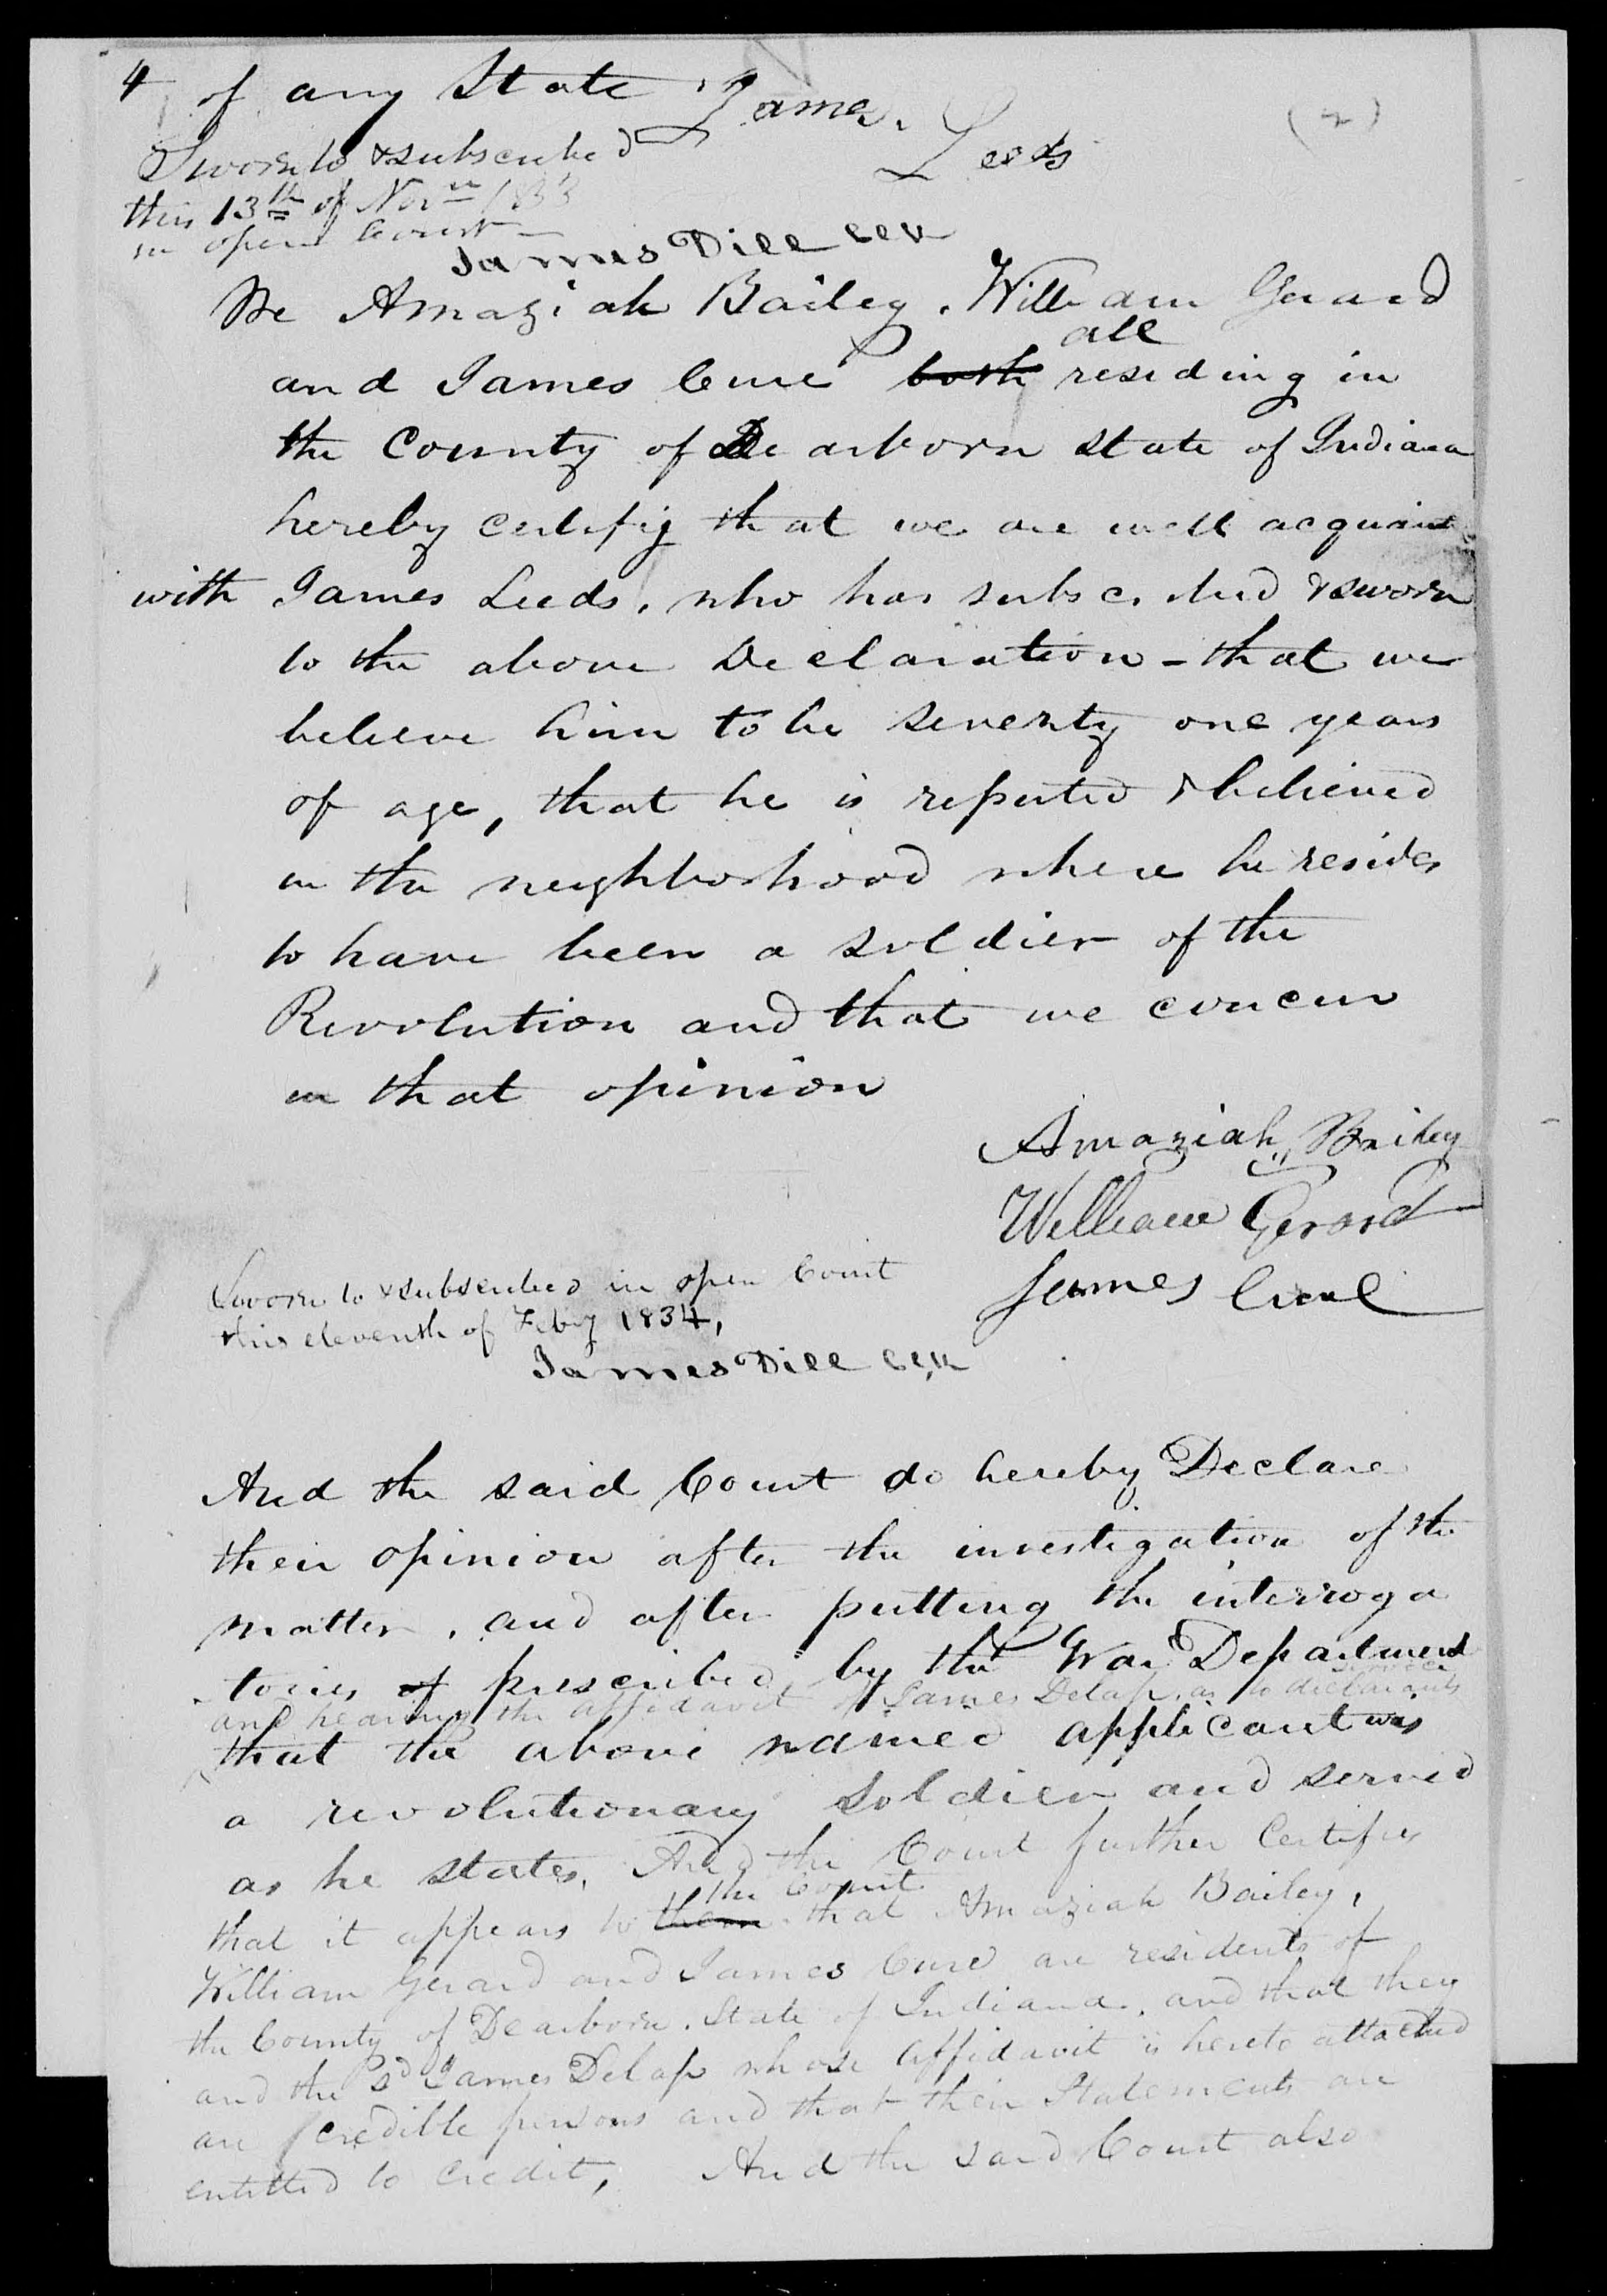[Top left page] 4

of any State, James Leeds
Sworn to subscribed this 13th of Nov 1833
in open court

[Top right page] (2)

James Dill Clk

Be Amaziah Bailey, William Gerard and James Cure all residing in the County of Dearborn State of Indiana hereby certify that we are well acquainted with James Leeds, who has subscribed & sworn to the above Declaration that we believe him to be seventy one years of age, that he is reported & believed in the neighborhood where he resides to have been a soldier of the Revolution and that we concur in that opinion

Amaziah Bailey
William Gerard
James Cure

Sworn to & subscribed in open Court this eleventh of Feby 1834,
James Dill Clk

And the said Court do hereby Declare their opinion after the investigation of the matter, and after putting the interrogation of prescribed by that War Department that the above named applications a revolutionary Soldier and served as he states. And the Court further certifies that it appears to the Court that Amaziah Bailey, William Gerard and James Cure are residents of the County of Dearborn. State of Indiana, and that they and the said James Delap whose affidavit to hereto attached are credible persons and that their statements are entered to credit, And the said Court also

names: William Gerard; James Dill; Amaziah Bailey; James Cure; James Delap; James Leeds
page: 7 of 38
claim: survivor's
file: S 31817, for James Leeds, New Jersey